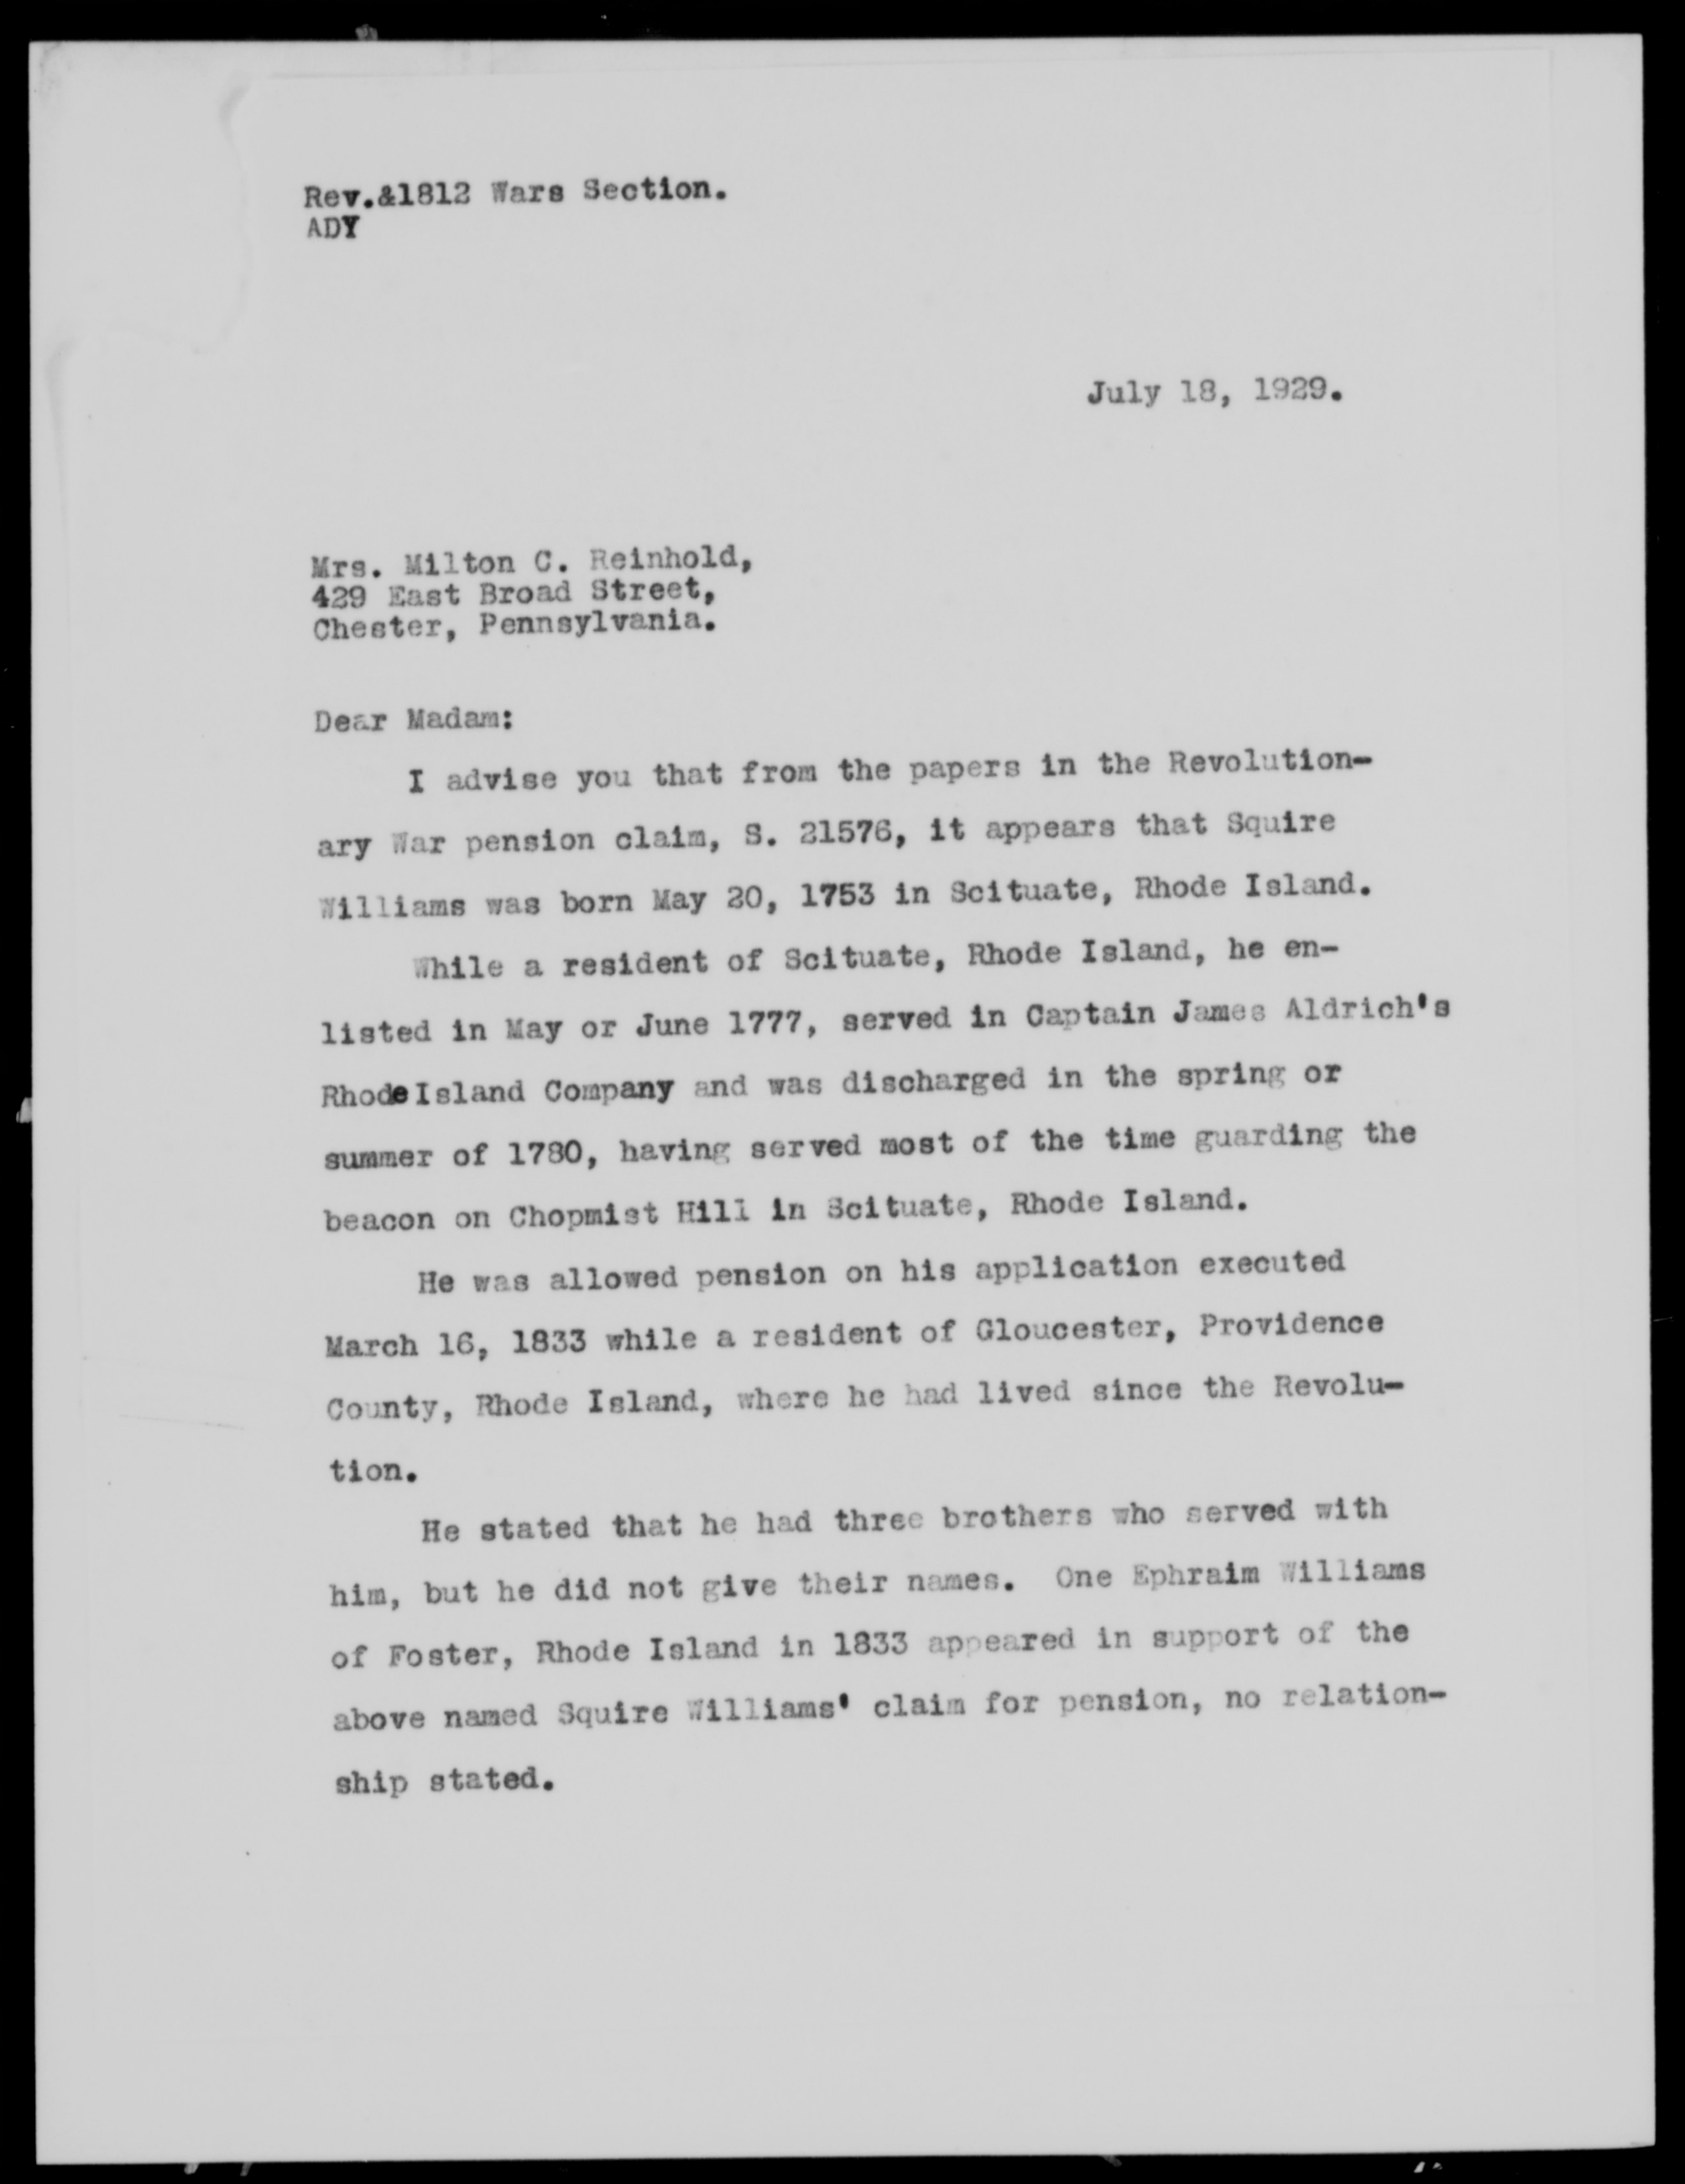Rev.&1812 Wars Section.
ADY

July 18, 1929.

Mrs. Milton C. Reinhold,
429 East Broad Street,
Chester, Pennsylvania.

Dear Madam:
I advise you that from the papers in the Revolutionary War pension claim, S. 21576, it appears that Squire Williams was born May 20, 1753 in Scituate, Rhode Island.

While a resident of Scituate, Rhode Island, he enlisted in May or June 1777, served in Captain James Aldrich's Rhode Island Company and was discharged in the spring or
summer of 1780, having served most of the time guarding the beacon on Chopmist Hill in Scituate, Rhode Island.

He was allowed pension on his application executed March 16,1833 while a resident of Gloucester, Providence County, Rhode Island, where he had lived since the Revolution
.
He stated that he had three brothers who served with him, but he did not give their names. One Ephraim Williams of Foster, Rhode Island in 1833 appeared in support of the
above named Squire Williams' claim for pension, no relationship stated.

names: Ephraim Williams, Squire Williams, Milton C Reinhold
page: 9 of 23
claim: survivor's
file: S. 21576, Squire Williams, R. I.